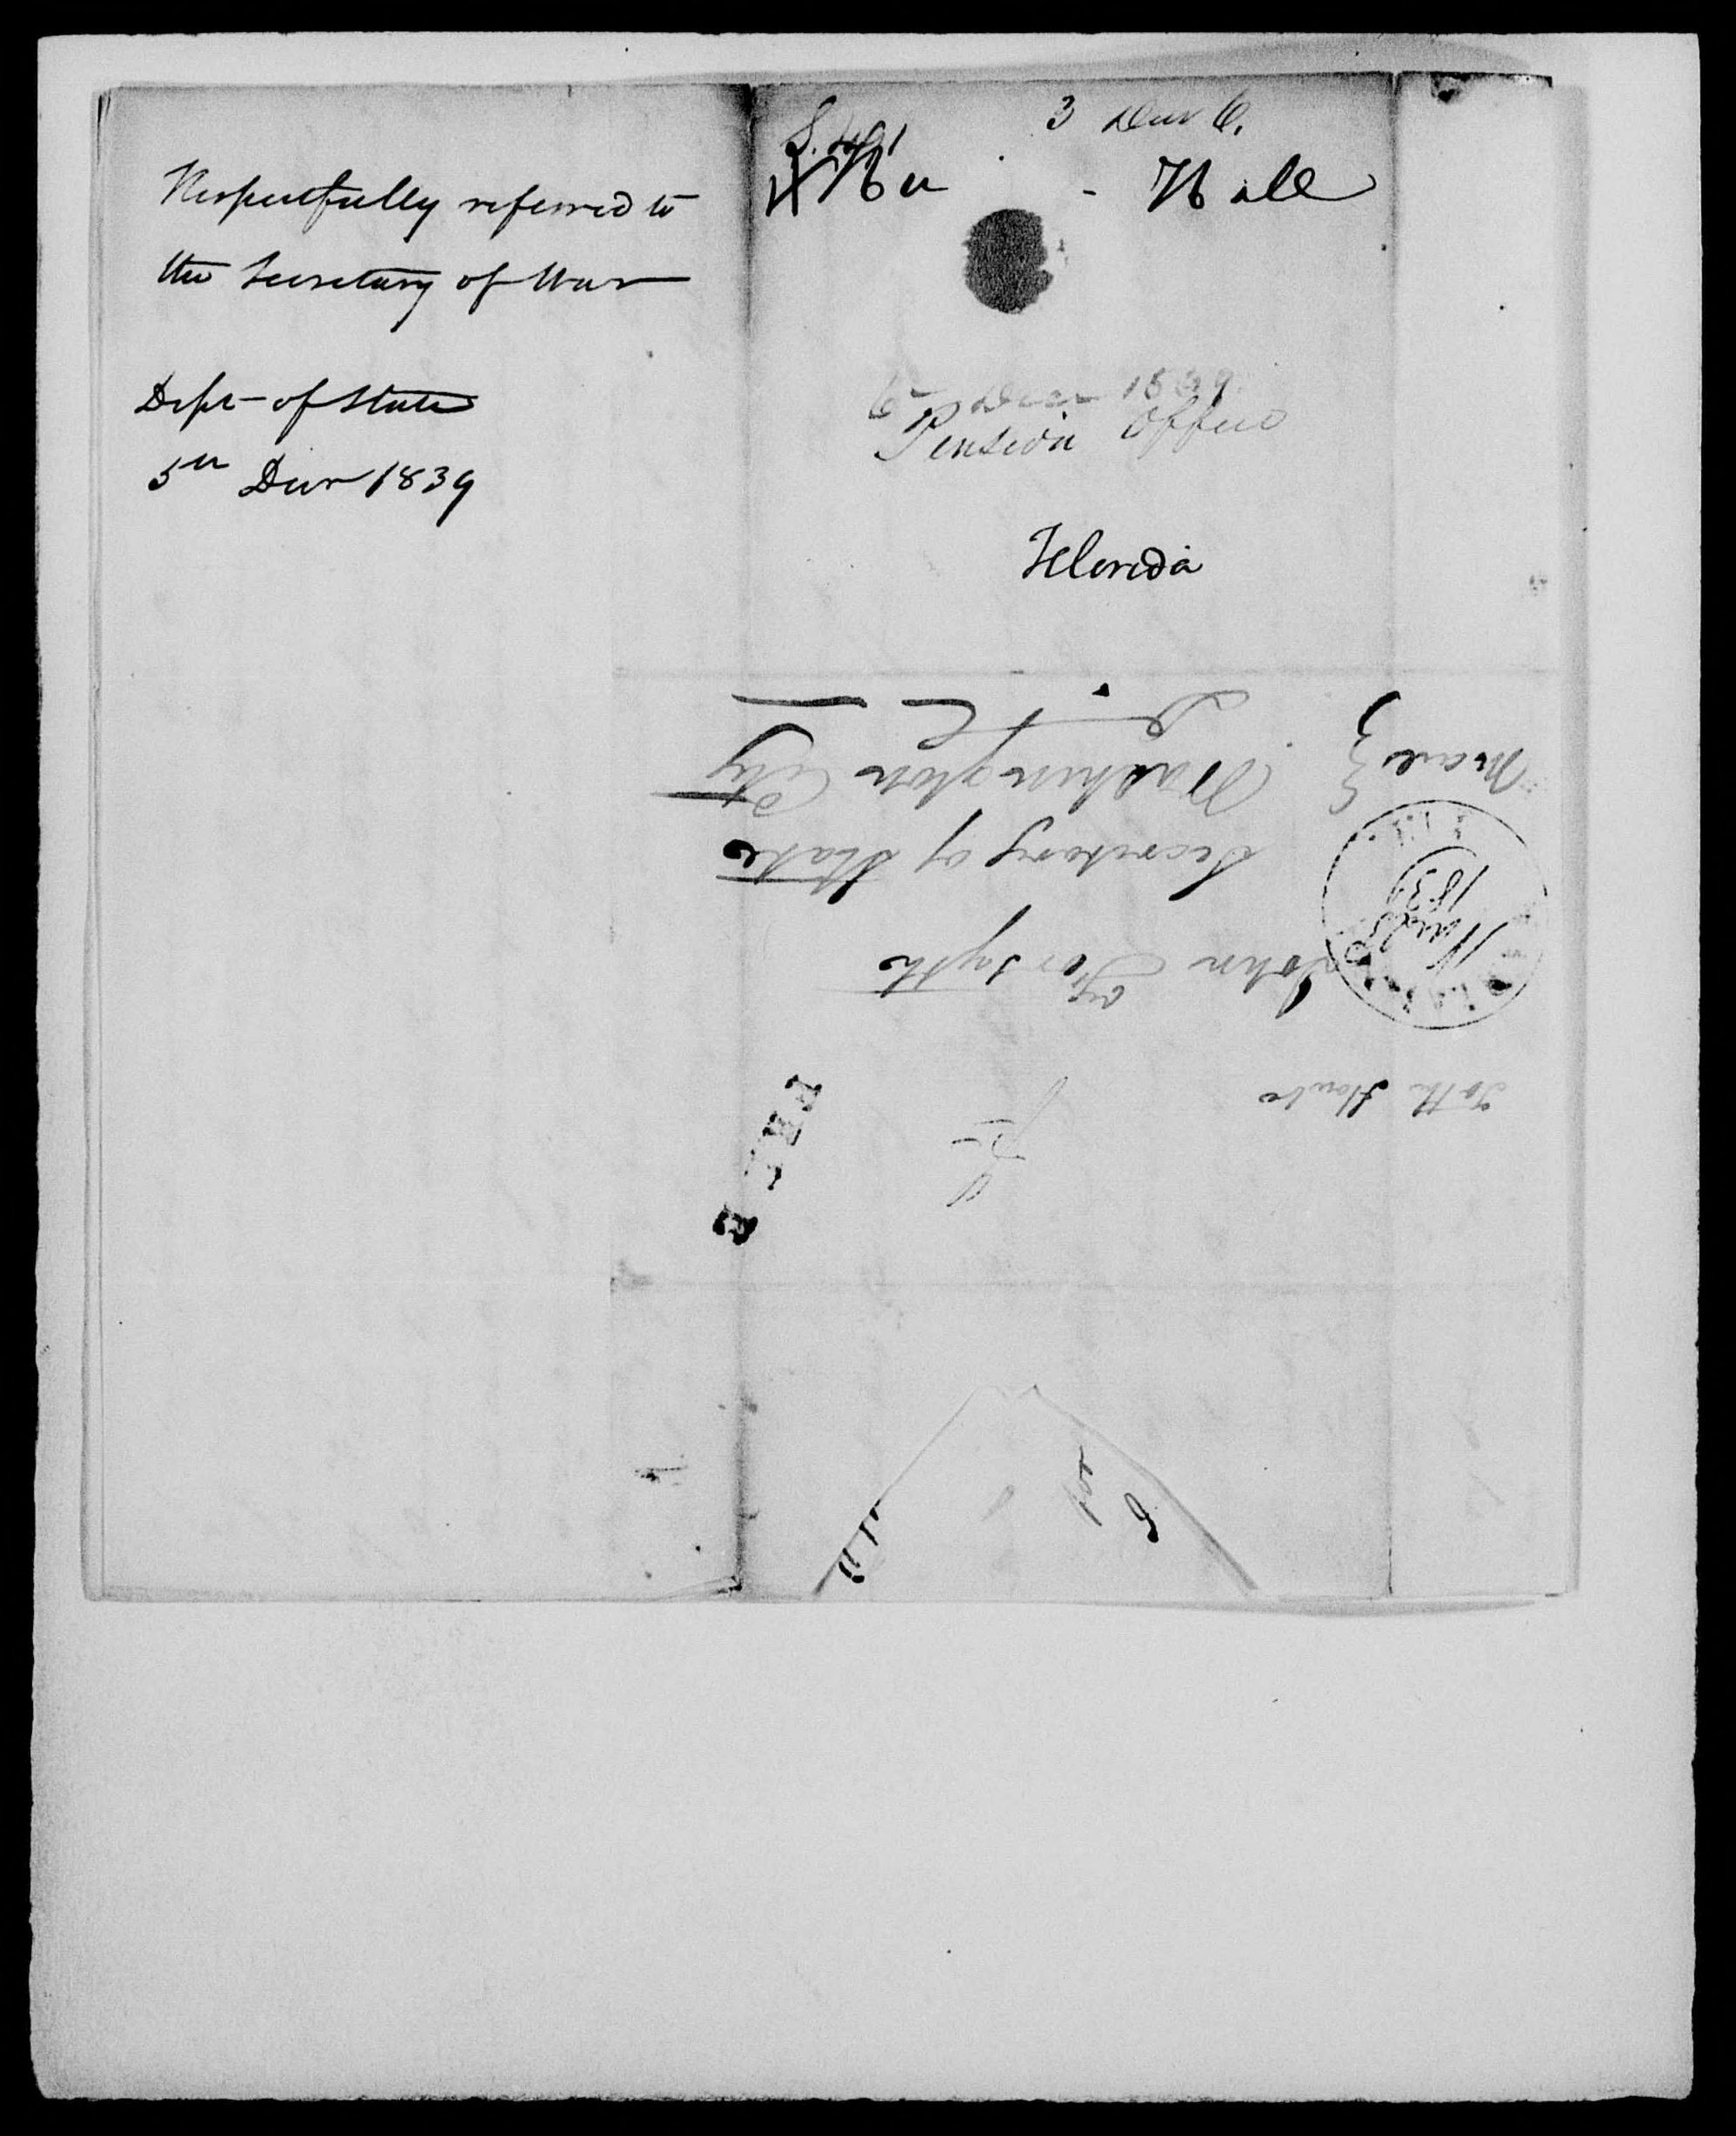Respectfully referred to the Secretary of War Dept of State 5th Dec 1839 

Illegible
Pension Office
Florida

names: John Forsyth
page: 6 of 14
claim: rejected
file: R. 4463, Hall Hudson, S.C.